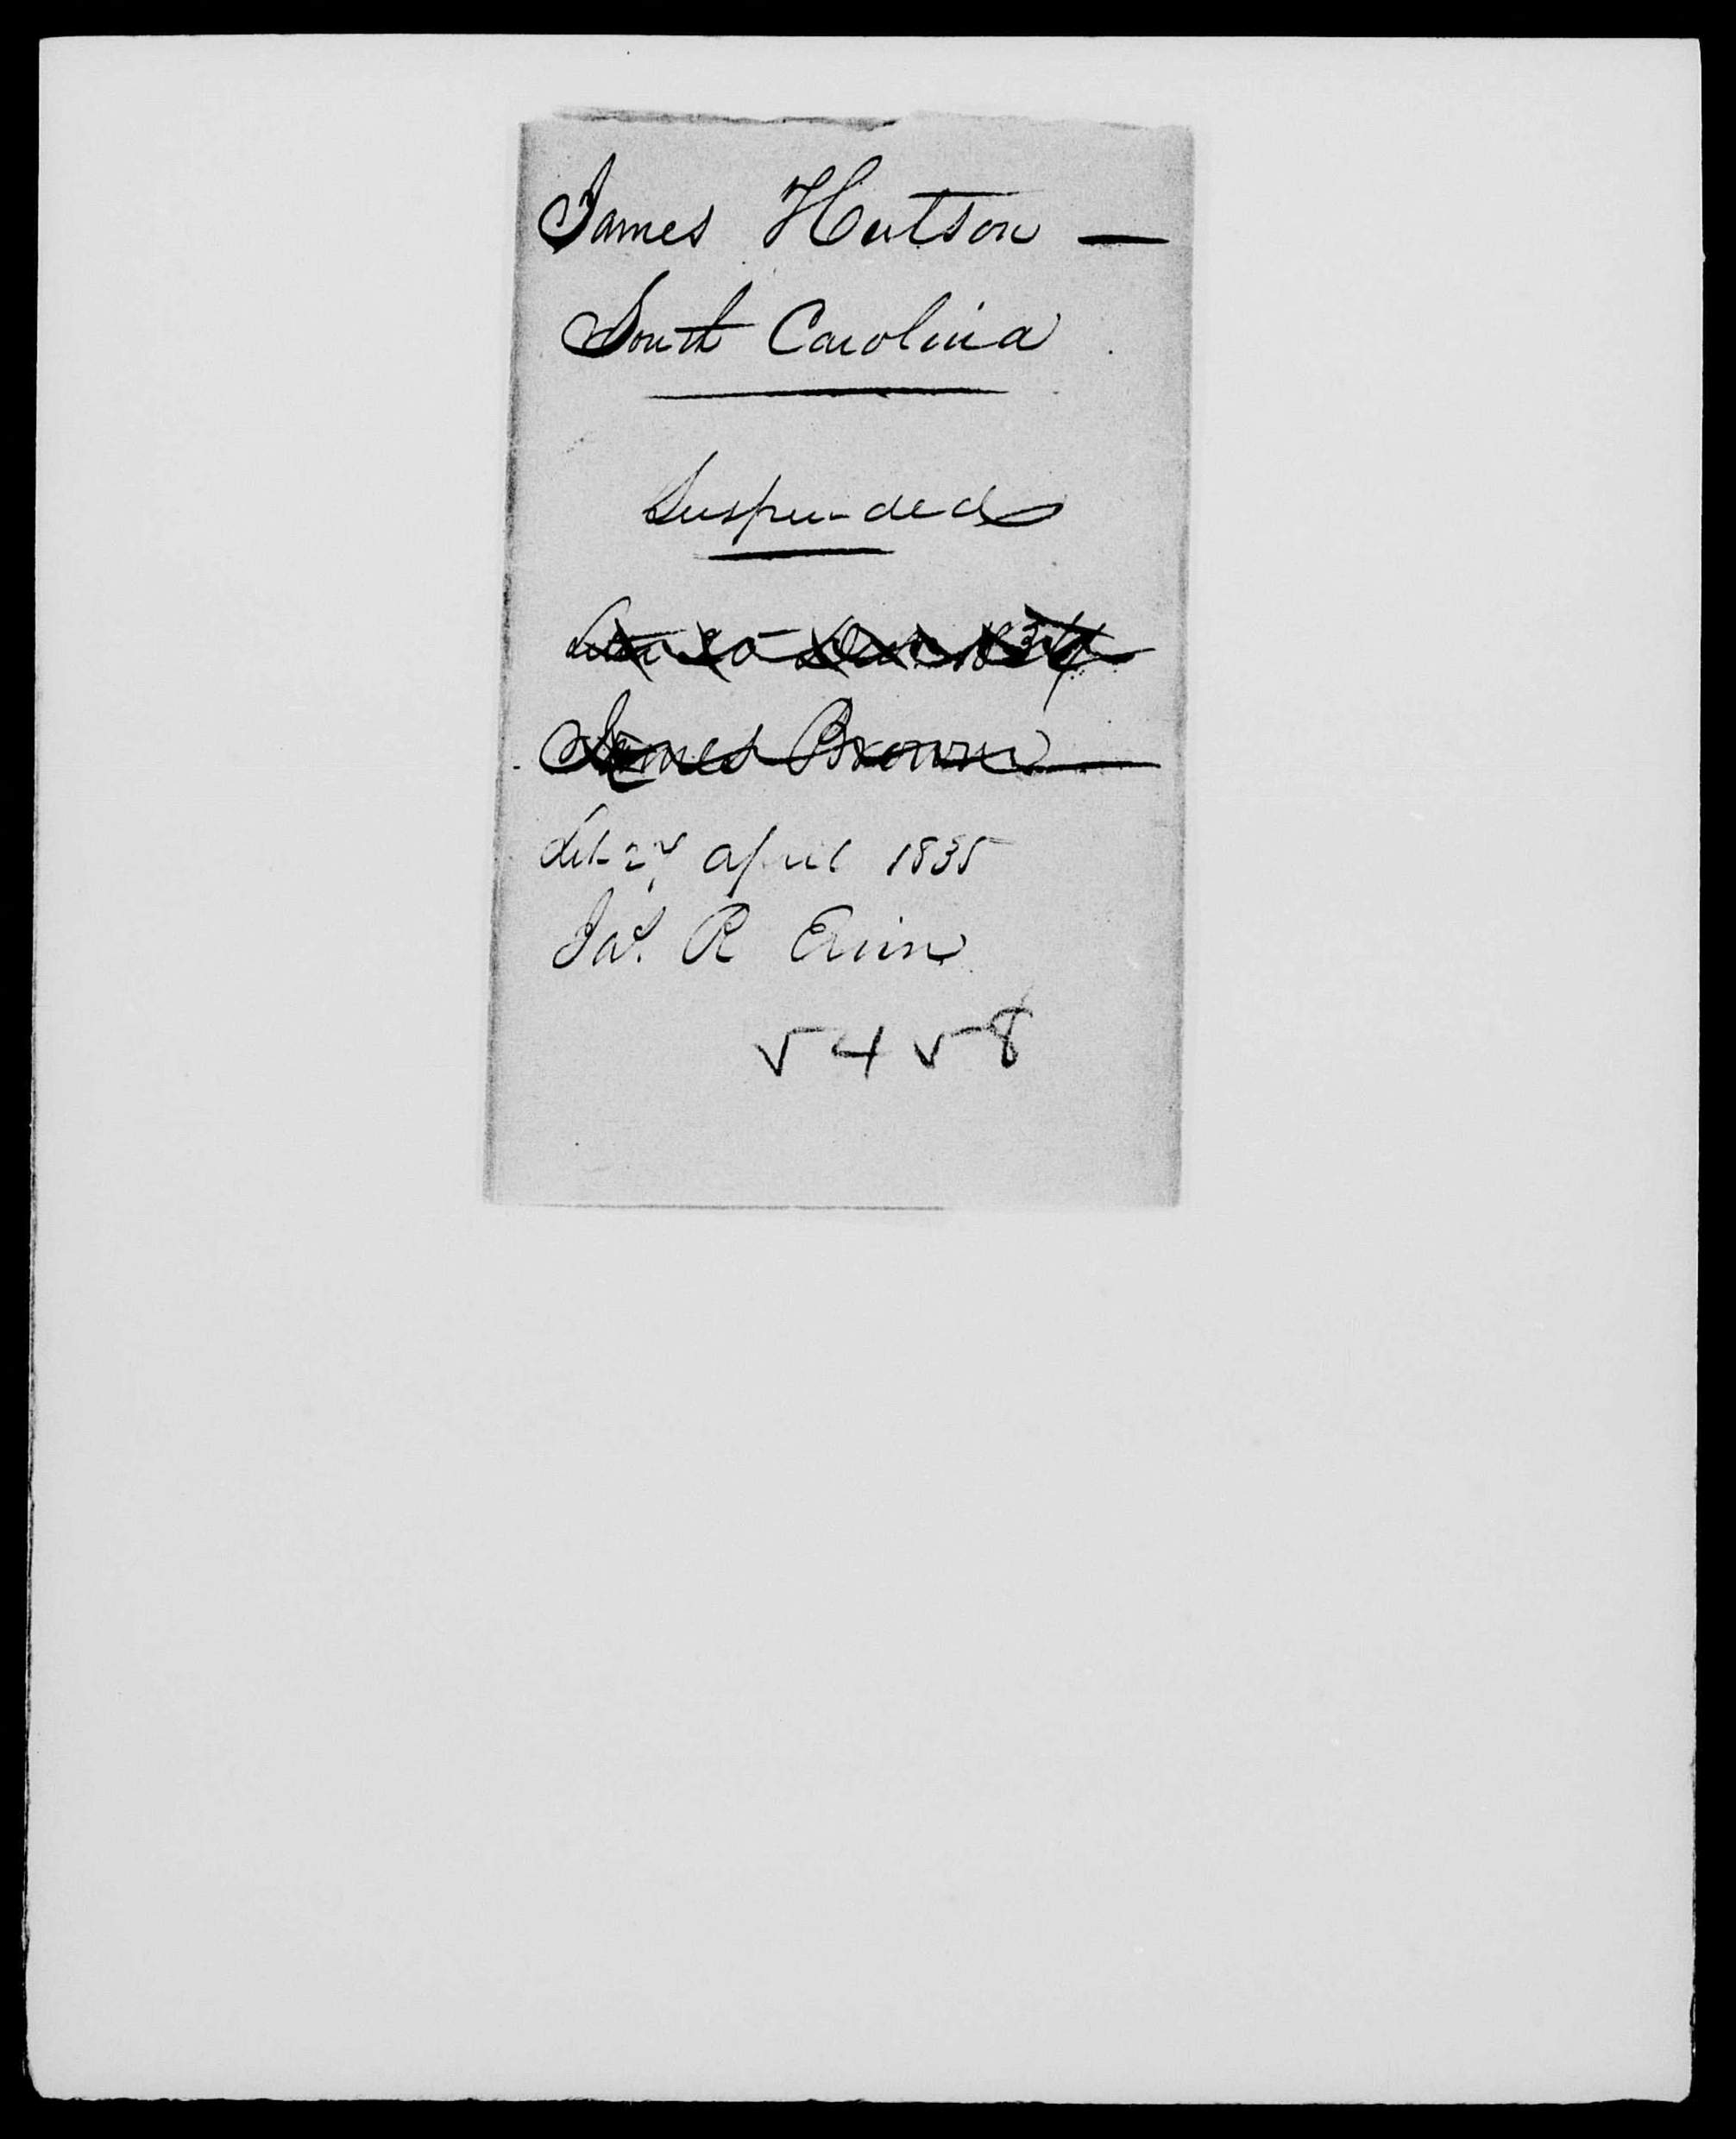James Hutson-
South Carolina
Suspended
--
--
del. 24 April 1835
Jas. R Ervin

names: Jas R Ervin, James Brown, James Hutson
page: 19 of 33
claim: rejected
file: R. 5334, James Hudson, N.C.